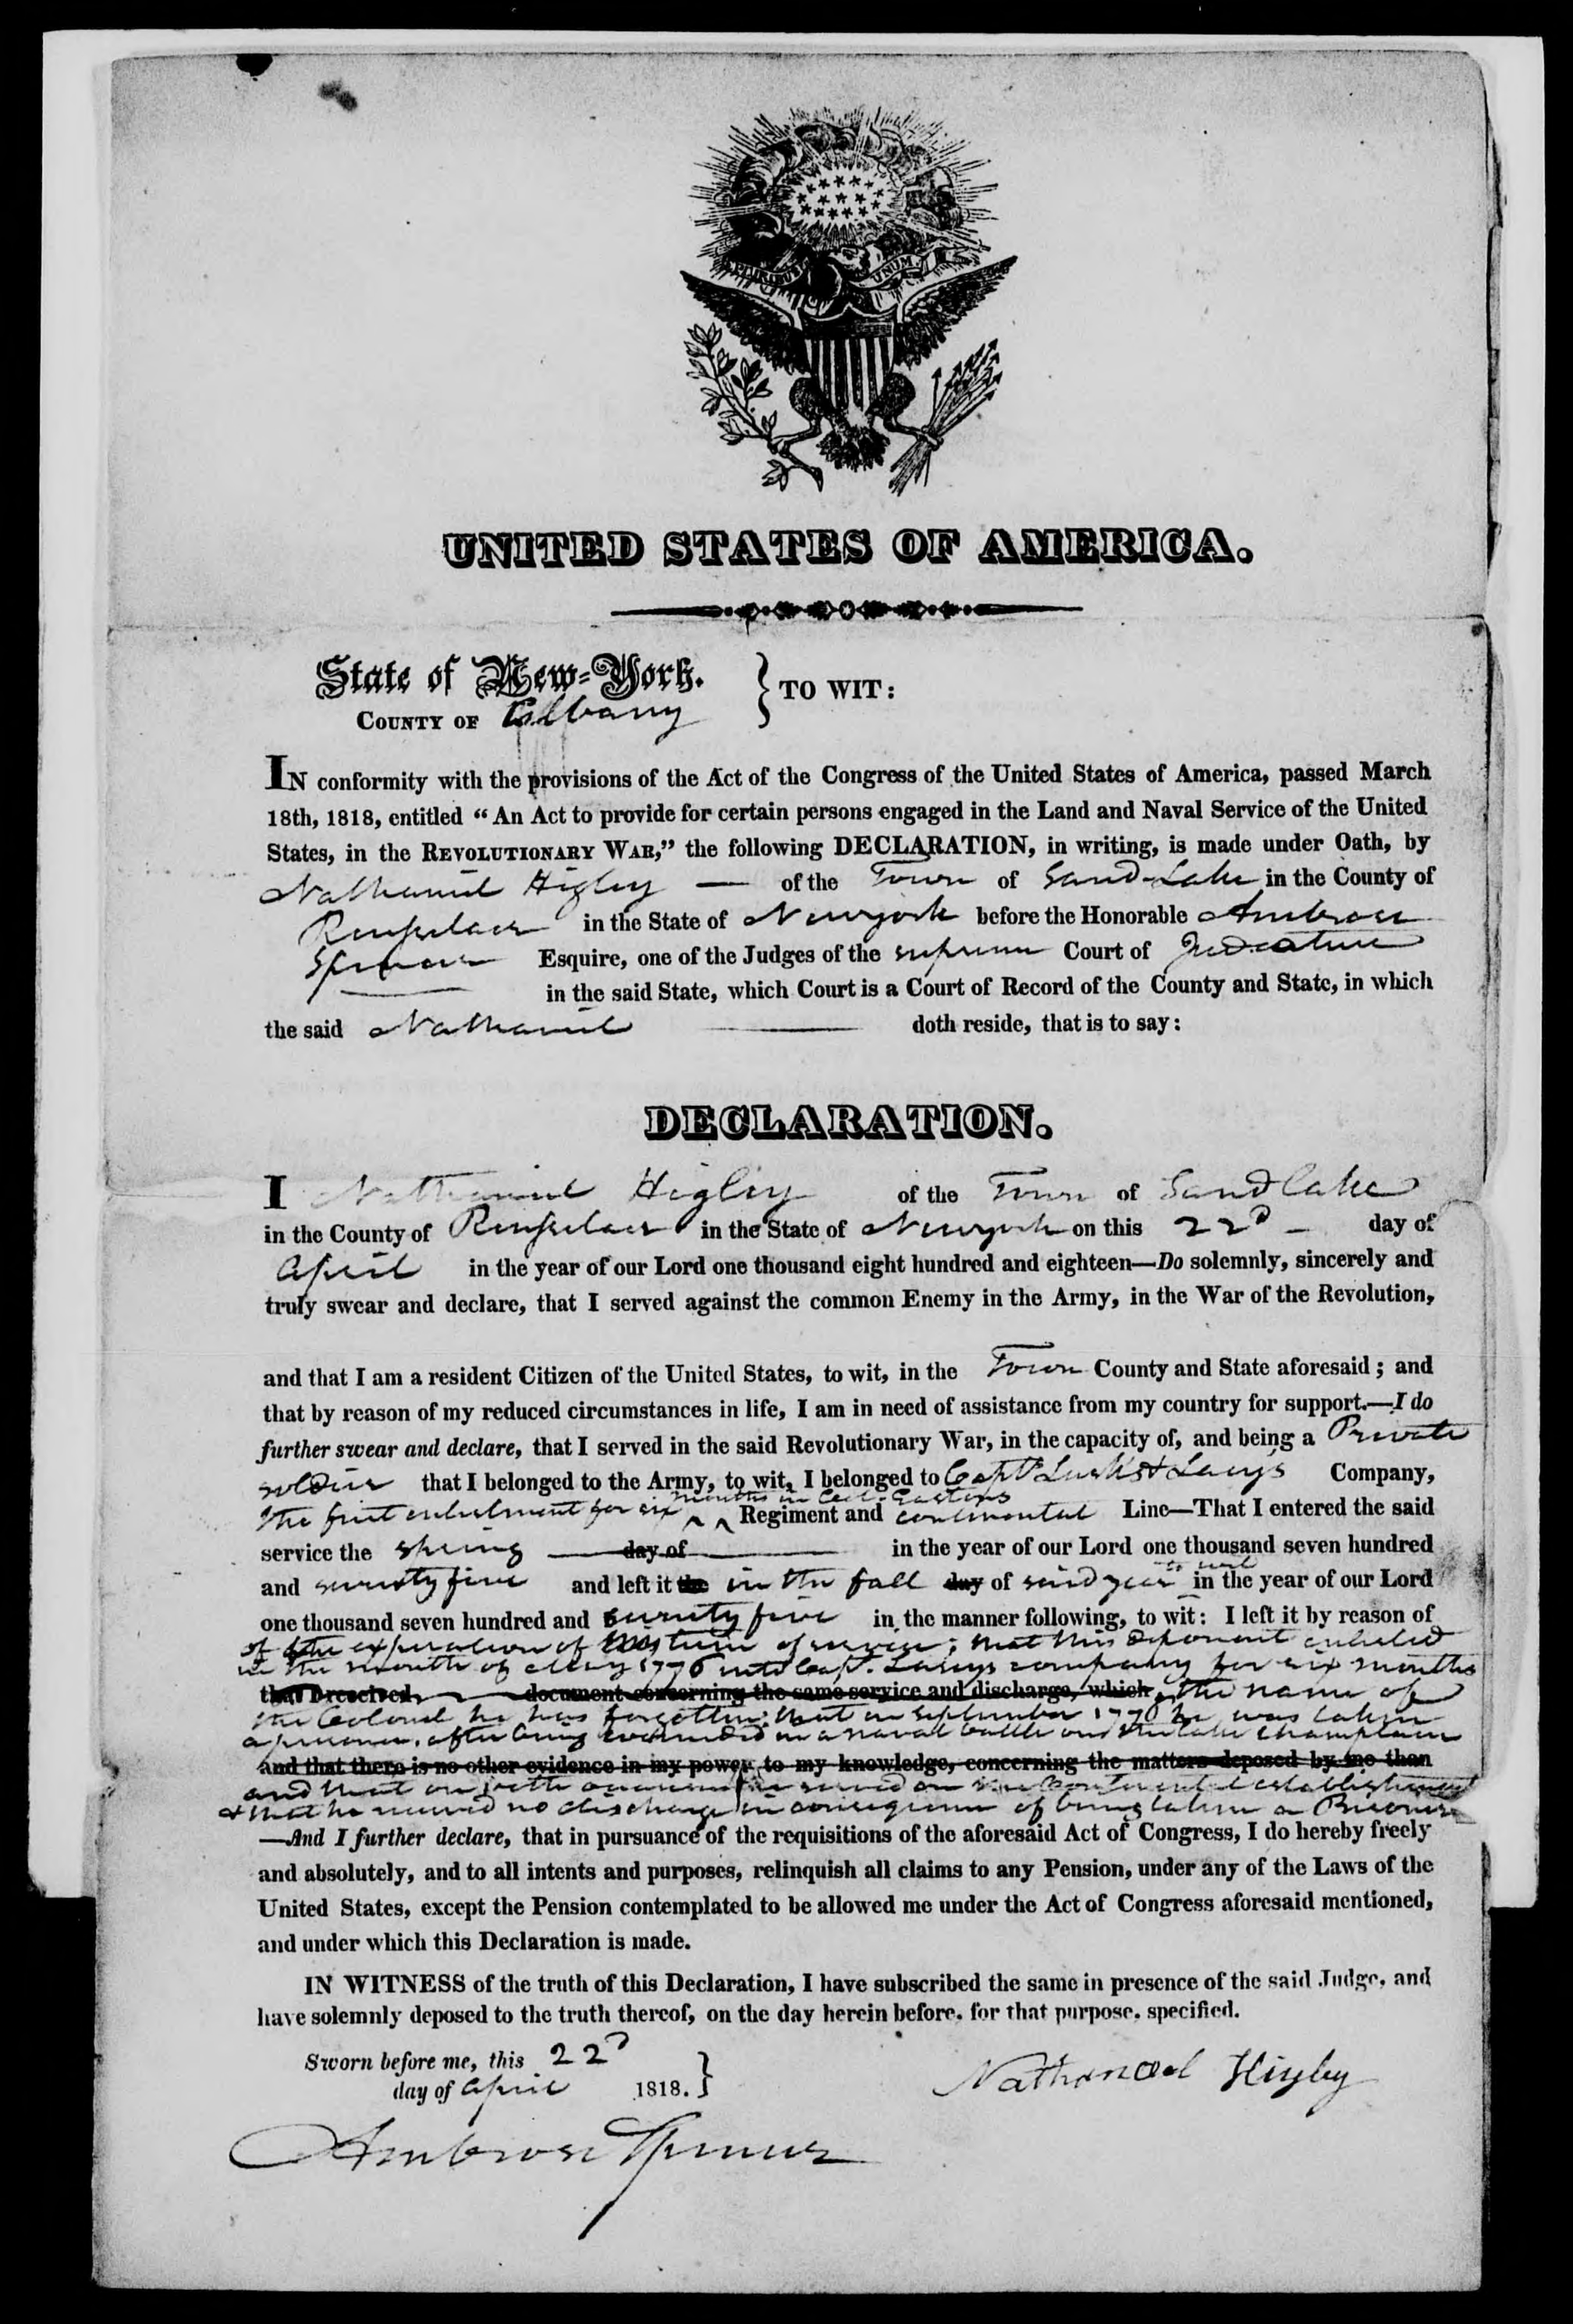United States of America.

State of New York. County of Albany} TO WIT:

In conformity with the provisions of the Act of the Congress of the United States of America, passed March 18th, 1818, entitled "An Act to provide for certain persons engaged in the Land and Naval Service of the United States, in the REVOLUTIONARY WAR," the follwoing DECLARATION, in writing, is made under Oath, by Nathaniel Higby of the Town of Sand-Lake in the County of Rensselaer in the State of New york before the Honorable Ambrose Spencer Esquire, one of the Judges of the supreme Court of Judicature in the said State, which Court is a Court of Record of the County and State, in which the said Nathaniel doth reside, that is to say:

DECLARATION.
I Nathaniel Higby of the Town of Sand Lake in the County of Rensselaer int he State of New york on this 22nd day of April  in the year of our Lord one thousand eight hundred and eighteen - Do solemnly, sincerely and truly swear and declare, that I served against the common Enemy in the Army, in the War of the Revolution, and that I am a resident Citizen of the United States, to wit, in the Town County and State aforesaid; and that by reason of my reduced circumstances in life, I am in need of assistance from my country for support - I do further swear and declare, that I served in the said Revolutionary War, in the capacity of, and being a Private soldier that I belonged to the Army, to wit I belonged to Capt Lush's & Lacy's Company, the first enlistment for six months in Col. Gastins Regiment and continental Line - That I entered the said service the spring in the year of our Lord one thousand seven hundred and seventy five and left it in the fall of said yar to wit in the year of our Lord one thousand seven hundred and seventy five in the manner following, to wit: I left it by reason of of the experation of my term of service; that his deponent enlisted in the month of May 1776 with Capt. Larry's company for six months the Colonel he has forgotten: that in September 1776 he was Lahres a prisoner, after being wounded as a naval galles and the Lake Champlain and that as in the [illegible] severed  on the Continental established & that he seved no discharge in cerirsqierres of being lahres a prisoner - And I further declare, that in pursuance of the requisitions of the aforesaid Act of Congress, I do hereby freely and absolutely, and to all intents and purposes, relinquish all claims to any Pension, under any of the Laws of the United States, except the Pension contemplated to be allowed me under the Act of Congress aforesaid mentioned, and under which this Declaration is made.
IN WITNESS of the truth of this Declaration, I have subscribed the same in presence of the said Judge, and have solemnly deposed to the truth thereof, on the day here in before, from that purpose, specified.

Nathaniel Higby

Sworn before me, this 22nd day of April 1818.}
Ambrose Spencer
S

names: Ambrose Spencer, Nathaniel, Nathaniel Higley, Nathaniel Higley, Nathaniel Higley, Ambrose Spencer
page: 12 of 25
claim: rejected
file: R. 4972, Nathaniel Higby, Conn.